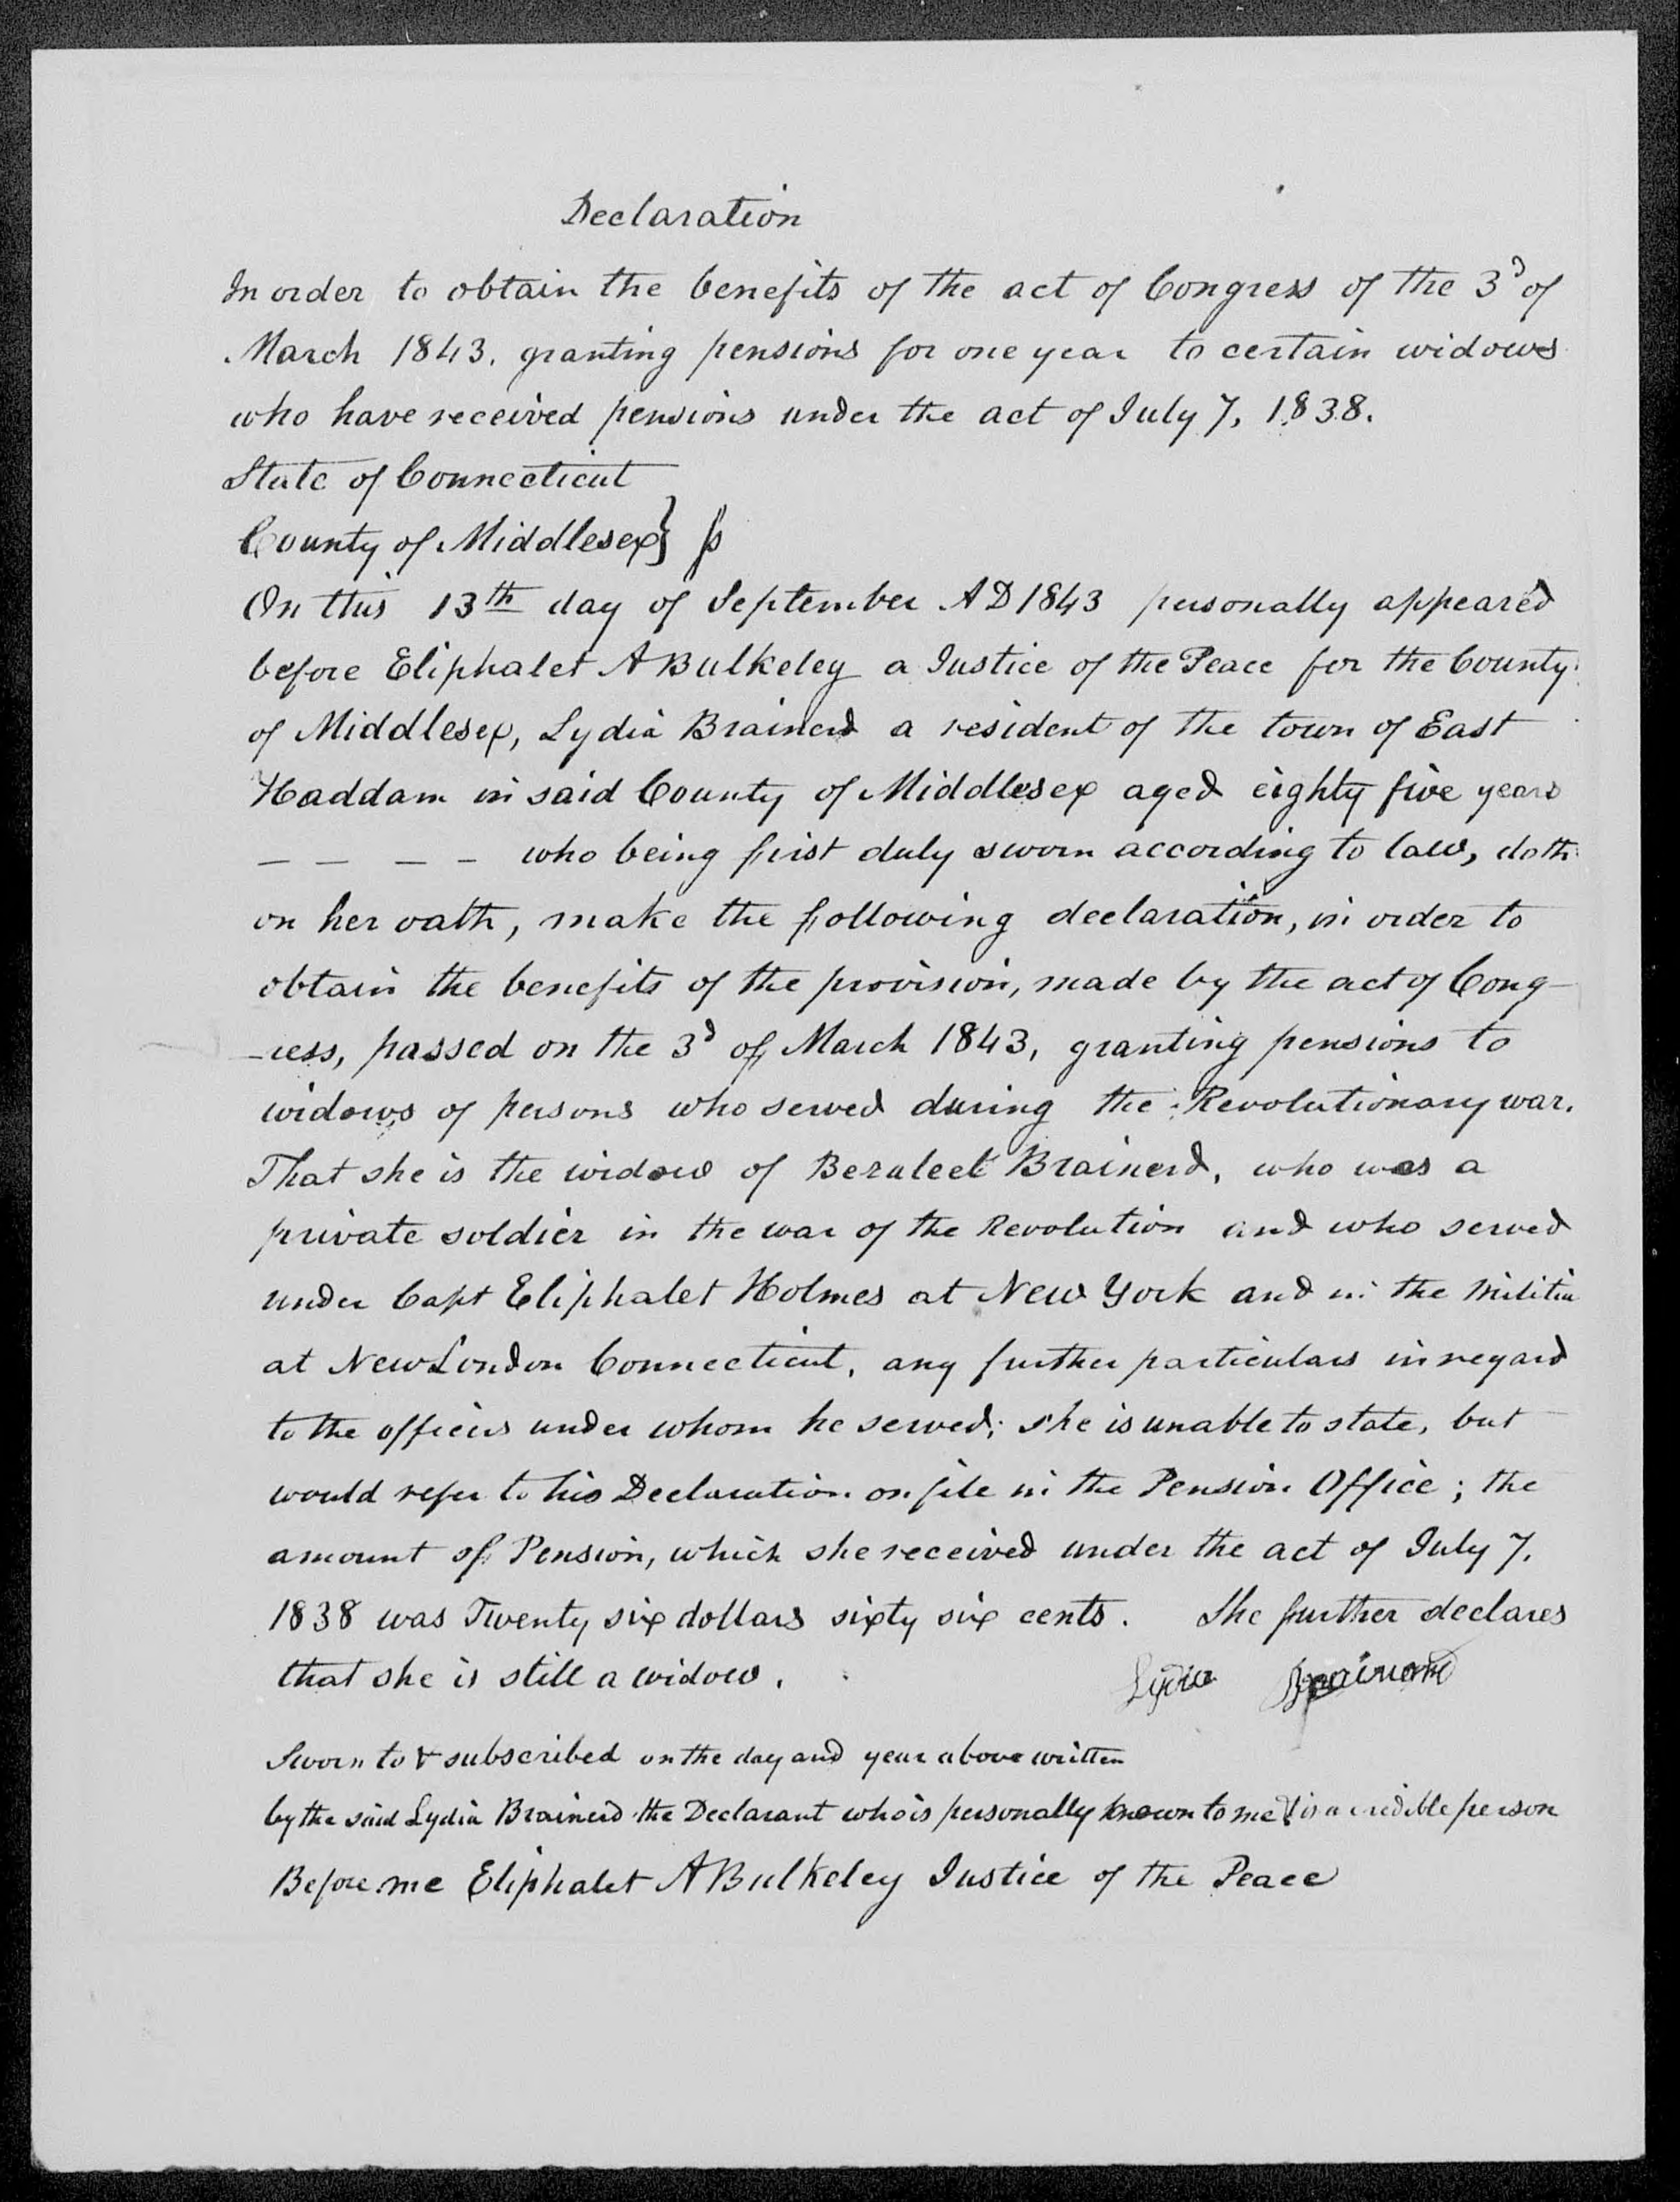Declaration
In order to obtain the benefits of the act of Congress of the 3d of March 1843 granting pensions for one year to certain widows who have received pensions under the act of July 7, 1838.
State of Connecticut
County of Middlesex}ss
On this 13th day of September AD 1843 personally appeared before Eliphalet A Bulkeley a Justice of the Peace for the County of Middlesex, Lydia Brainerd [Brainard] a resident of the town of East Haddam in said County of Middlesex aged eighty five years --- who being first duly sworn according to law, doth on her oath, make the following declaration, in order to obtain the benefits of the provision made by the act of Congress, passed on the 3d of March 1843, granting pensions to widows of persons who served during the Revolutionary war.
That she is the widow of Bezaleel Brainerd {Brainard], who was a private soldier in the war of the Revolution and who served under Capt Eliphalet Holmes at New York and in the Militia at New London Connecticut, any further particulars in regard to the officers under whom he served, she is unable to state, but would refer to his Declaration on file in the Pension Office; the amount of Pension, which she received under the act of July 7. 1838 was Twenty six dollars sixty six cents. She further declares that she is still a widow,
[signature] Lydia Brainard

Sworn to & subscribed on the day and year above written by the said Lydia Brainerd [Brainard] the Declarant who is personally known to me   is a credible person
Before me [signature] Eliphalet A Bulkeley Justice of the Peace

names: Eliphalet A Bulkeley, Eliphalet A Bulkeley, Lydia Brainerd, Lydia Brainerd, Bezaleel Brainerd, Eliphalet Holmes, Lydia Brainard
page: 16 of 25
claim: widow's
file: W. 23,671, Bezaleel Brainard, Conn.